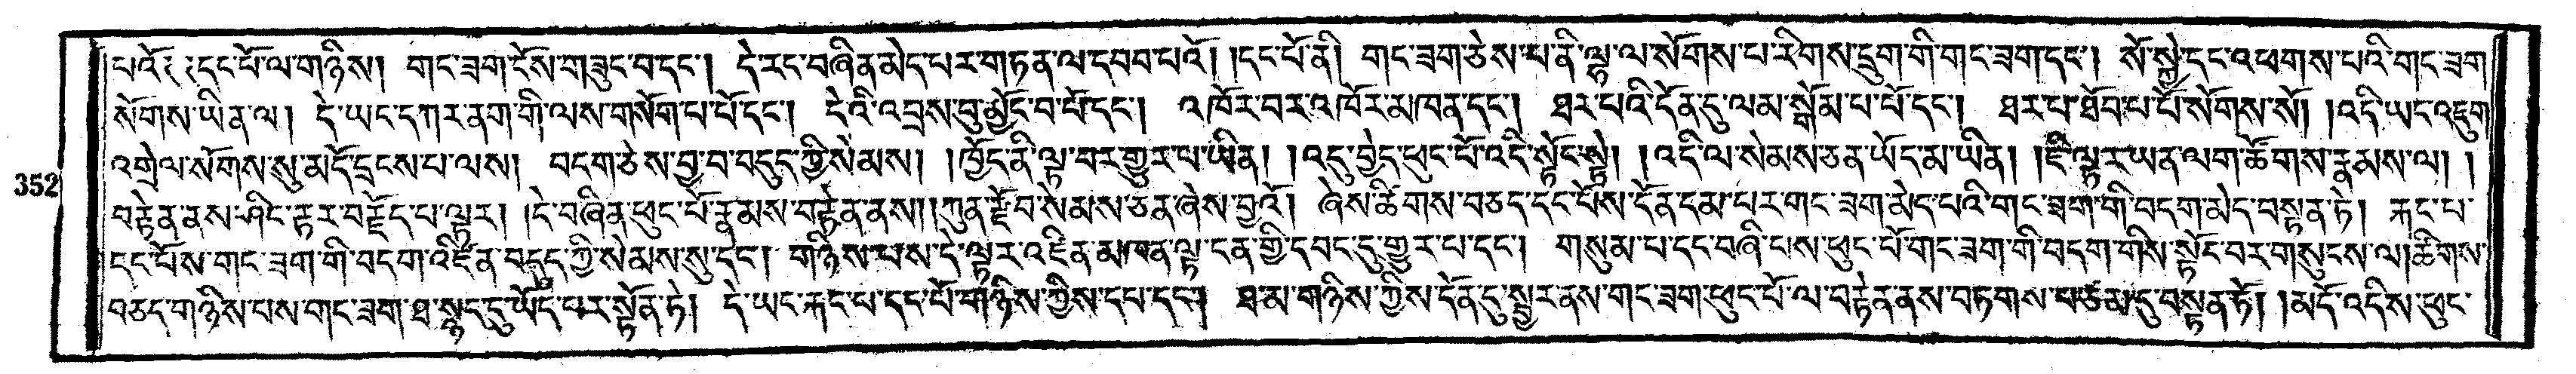པའོ༑ ༑དང་པོ་ལ་གཉིས། གང་ཟག་ངོས་གཟུང་བ་དང་། དེ་རང་བཞིན་མེད་པར་གཏན་ལ་དབབ་པའོ། །དང་པོ་ནི། གང་ཟག་ཅེས་པ་ནི་ལྷ་ལ་སོགས་པ་རིགས་དྲུག་གི་གང་ཟག་དང་། སོ་སྐྱེ་དང་འཕགས་པའི་གང་ཟག་
སོགས་ཡིན་ལ། དེ་ཡང་དཀར་ནག་གི་ལས་གསོག་པ་པོ་དང་། དེའི་འབྲས་བུ་མྱོང་བ་པོ་དང་། འཁོར་བར་འཁོར་མཁན་དང་། ཐར་པའི་དོན་དུ་ལམ་སྒོམ་པ་པོ་དང་། ཐར་པ་ཐོབ་པ་པོ་སོགས་སོ། །འདི་ཡང་འཇུག་
འགྲེལ་སོགས་སུ་མདོ་དྲངས་པ་ལས། བདག་ཅེས་བྱ་བ་བདུད་ཀྱི་སེམས། །ཁྱོད་ནི་ལྟ་བར་གྱུར་པ་ཡིན། །འདུ་བྱེད་ཕུང་པོ་འདི་སྟོང་སྟེ། །འདི་ལ་སེམས་ཅན་ཡོད་མ་ཡིན། །ཇི་ལྟར་ཡན་ལག་ཚོགས་རྣམས་ལ།
བརྟེན་ནས་ཤིང་རྟར་བརྗོད་པ་ལྟར། །དེ་བཞིན་ཕུང་པོ་རྣམས་བརྟེན་ནས། །ཀུན་རྫོབ་སེམས་ཅན་ཞེས་བྱའོ། ཞེས་ཚིགས་བཅད་དང་པོས་དོན་དམ་པར་གང་ཟག་མེད་པའི་གང་ཟག་གི་བདག་མེད་བསྟན་ཏེ། རྐང་པ་
དང་པོས་གང་ཟག་གི་བདག་འཛིན་བདུད་ཀྱི་སེམས་སུ་དང་། གཉིས་པས་དེ་ལྟར་འཛིན་མཁན་ལྟ་ངན་གྱི་དབང་དུ་གྱུར་པ་དང་། གསུམ་པ་དང་བཞི་པས་ཕུང་པོ་གང་ཟག་གི་བདག་གིས་སྟོང་བར་གསུངས་ལ། ཚིགས་
བཅད་གཉིས་པས་གང་ཟག་ཐ་སྙད་དུ་ཡོད་པར་སྟོན་ཏེ། དེ་ཡང་རྐང་པ་དང་པོ་གཉིས་ཀྱིས་དབ་དང་། ཐ་མ་གཉིས་ཀྱིས་དོན་དུ་སྦྱར་ནས་གང་ཟག་ཕུང་པོ་ལ་བརྟེན་ནས་བཏགས་པ་ཙམ་དུ་བསྟན་ཏོ། །མདོ་འདིས་ཕུང་